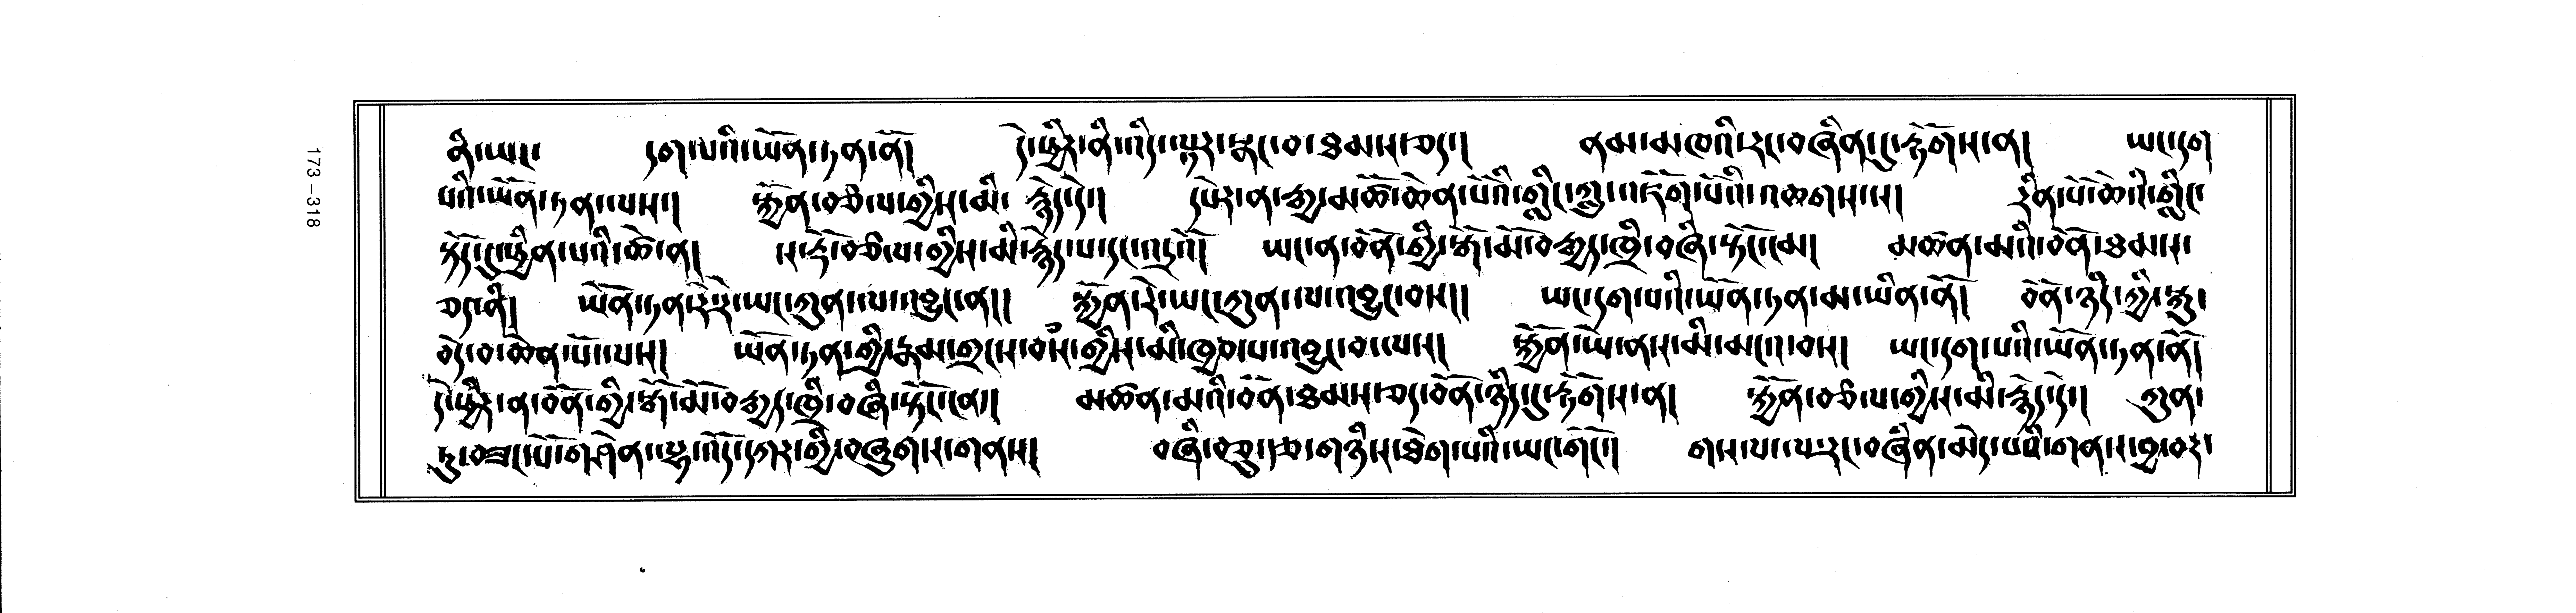ནི་ཡང་དག་པའི་ཡོན་ཏན་ནོ། །དེ་ཕྱིར་ནི་འདི་ལྟར་སྣང་བ་ཐམས་ཅད། ནམ་མཁའི་རང་བཞིན་དུ་རྟོགས་ན། ཡང་དག་
པའི་ཡོན་ཏན་ལས། སྐྱོན་བཙལ་གྱིས་མི་རྙེད་དེ། དཔེར་ན་རྒྱ་མཚོ་ཆེན་པོའི་གླིང་ཀླུ་འཇོག་པོའི་འཆགས་ས། རིན་པོ་ཆེའི་གླིང་
སྟོད་དུ་ཕྱིན་པའི་ཚེ་ན། ས་རྡོ་བཙལ་གྱིས་མི་རྙེད་པ་དང་འདྲའོ། །ཡང་ན་བོན་གྱི་སྒོ་མོ་བརྒྱད་ཁྲི་བཞི་སྟོང་ངམ། མཚན་མའི་བོན་ཐམས་
ཅད་ནི། ཡོན་ཏན་རེ་རེ་ཡང་ཀུན་ལ་འབྱུང་ན། སྐྱོན་རེ་ཡང་ཀུན་ལ་འབྱུང་བས། ཡང་དག་པའི་ཡོན་ཏན་མ་ཡིན་ནོ། །བོན་ཉིད་ཀྱི་སྐུ་
བདེ་བ་ཆེན་པོ་ལས། ཡོན་ཏན་གྱི་རྣམ་གྲངས་བསམ་གྱིས་མི་ཁྱབ་པ་འབྱུང་བ་ལས། སྐྱོན་ཡེ་ནས་མི་མངའ་བས། ཡང་དག་པའི་ཡོན་ཏན་ནོ། །
དེའི་ཕྱིར་ན་བོན་གྱི་སྒོ་མོ་བརྒྱད་ཁྲི་བཞི་སྟོང་ངམ། མཚན་མའི་བོན་ཐམས་ཅད་བོན་ཉིད་དུ་རྟོགས་ན། སྐྱོན་བཙལ་གྱིས་མི་རྙེད་དེ། ཀུན་
ཏུ་བཟང་པོ་གཤེན་ལྷ་འོད་དཀར་གྱི་བཞུགས་གནས། བཞི་བཅུ་རྩ་གཉིས་ཐེག་པའི་ཡང་གོང་། གསལ་ལ་རང་བཞིན་མེད་པའི་གནས་བྱ་བར་